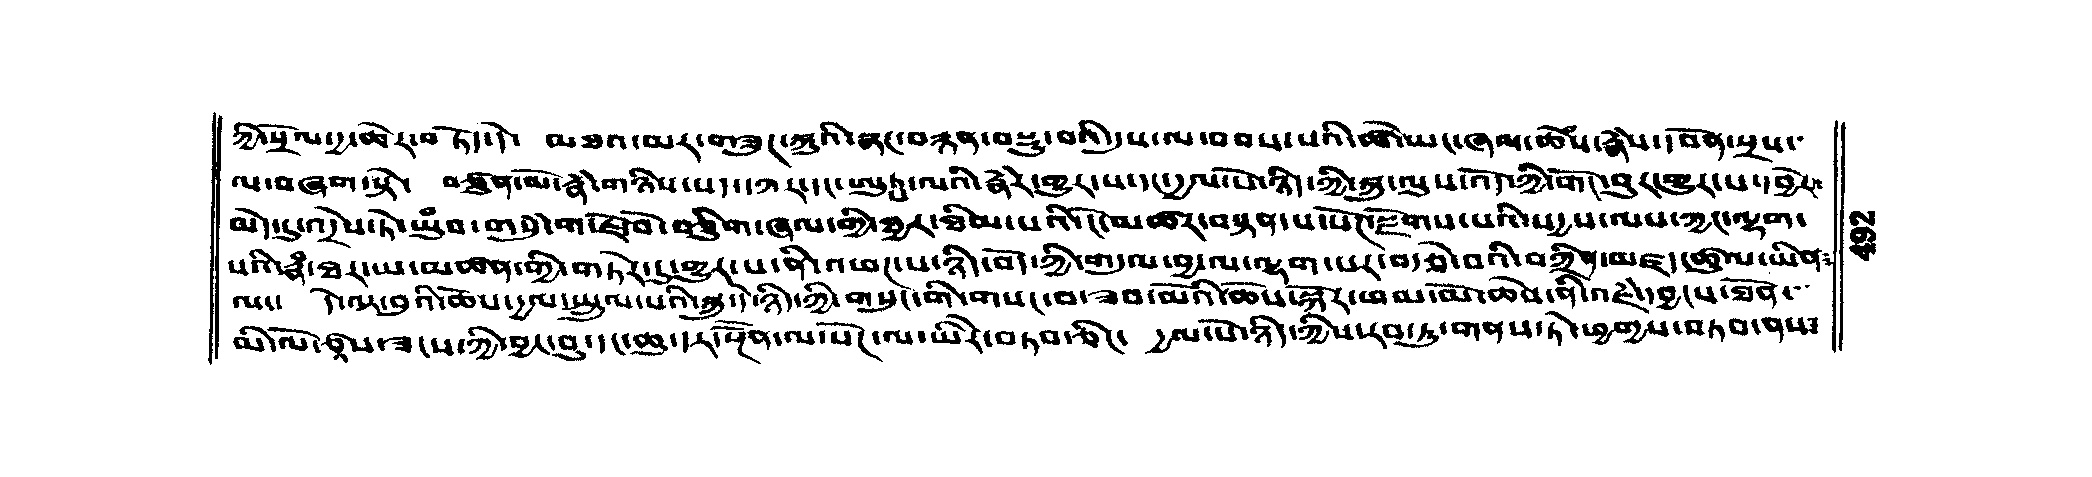ཀྱི་སྲོལ་རྒྱ་ཆེར་བཏོད་དེ། མཐའ་མར་གཟུགས་སྐུའི་སྣང་བརྙན་བསྡུ་བའི་དུས་ལ་བབས་པའི་ཚེ་ཡང་ཞལ་ཆེམས་རྣམས་དབོན་སྲས་
ལ་བཞག་སྟེ། བཙུན་མོ་རྣམས་གཉིས་པད་དཀར་དང་ཨུཏྤ་ལའི་རྣམ་པར་གྱུར་པ་དང་རྒྱལ་པོ་ཉིད་ཀྱི་སྐུ་ལུས་འོད་ཀྱི་གོང་བུར་གྱུར་པ་དབྱེར་
མེད་དུ་འདྲེས་ཏེ་ཡབ་ཡུམ་གསུམ་ག་ཇོ་བོ་བཅུ་གཅིག་ཞལ་གྱི་ཐུགས་ཀར་ཐིམ་པའི་ངོ་མཚར་བསྟན་པ་སོགས་རྫོགས་པའི་སངས་རྒྱས་ལས་ལྷག་
པའི་རྣམ་ཐར་ཡ་མཚན་གྱི་གཏེར་དུ་གྱུར་པ་ནི་འཕགས་པ་ཉིད་བོད་ཀྱི་གདུལ་བྱ་ལ་ལྷག་པར་བརྩེ་བའི་བཀའ་དྲིན་མཛད་ཚུལ་ཡིན་
ལ། དེ་ལྟ་བུའི་ཆོས་རྒྱལ་སྤྲུལ་པའི་སྐུ་དེ་ཉིད་ཀྱི་གསུང་གི་གསང་བ་ཟབ་མོའི་ཆོས་སྒོར་ཕལ་མོ་ཆེས་ནི་འཇམ་དབྱངས་ཐོན་
མི་ལོ་ཙཱས་ཟངས་ཀྱི་བྱང་བུ་དང་ཆུ་དར་སྔོན་པོ་ལ་སོགས་ལ་ཡི་གེར་བཏབ། རྒྱལ་པོ་ཉིད་ཀྱིས་རབ་ཏུ་གནས་ཏེ་ཕྱག་རྒྱས་བཏབ་ནས་